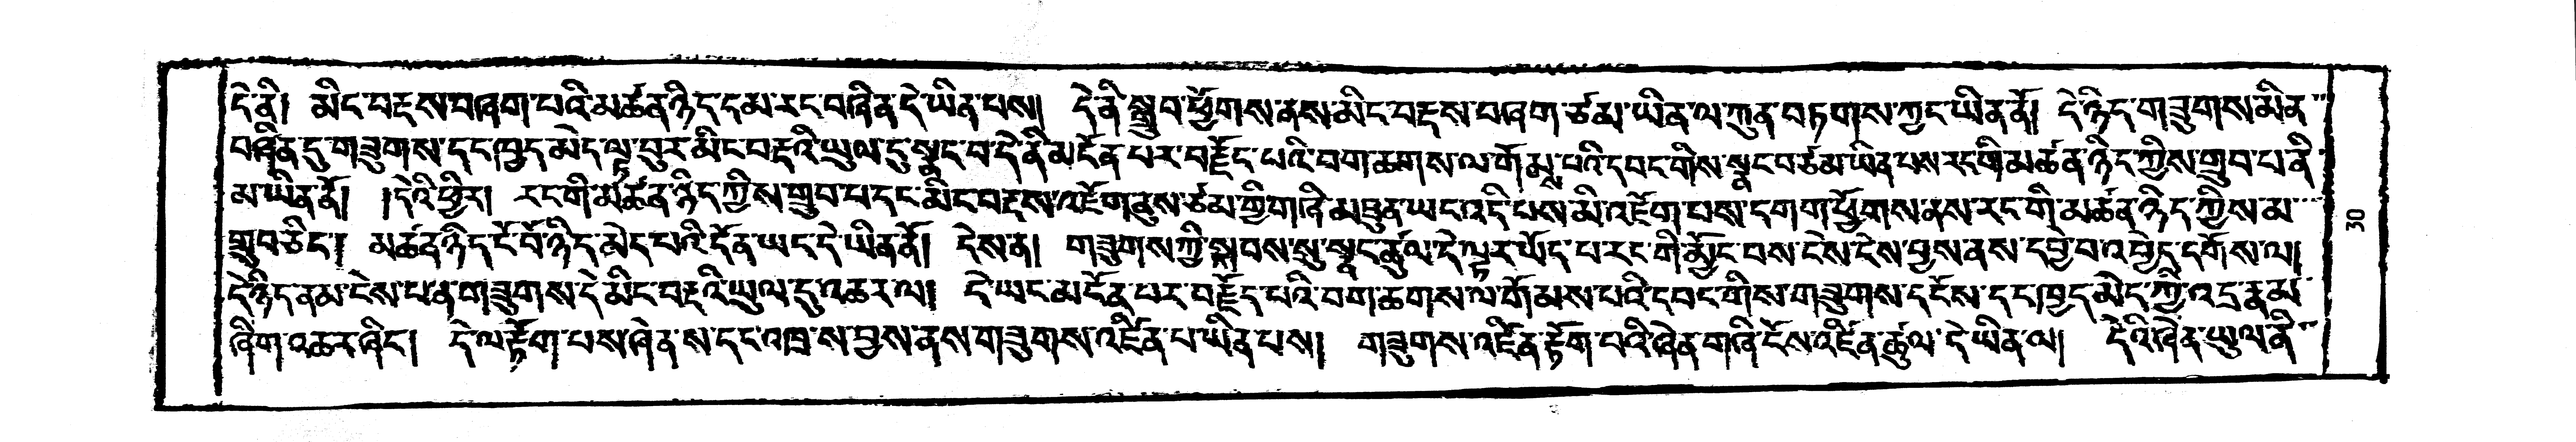དེ་ནི། མིང་བརྡས་བཞག་པའི་མཚན་ཉིད་དམ་རང་བཞིན་དེ་ཡིན་པས། དེ་ནི་སྒྲུབ་ཕྱོགས་ནས་མིང་བརྡས་བཞག་ཙམ་ཡིན་ལ་ཀུན་བཏགས་ཀྱང་ཡིན་ནོ། །དེ་ཉིད་གཟུགས་མིན་
བཞིན་དུ་གཟུགས་དང་ཁྱད་མེད་ལྟ་བུར་མིང་བརྡའི་ཡུལ་དུ་སྣང་བ་དེ་ནི་མངོན་པར་བརྗོད་པའི་བག་ཆགས་ལ་གོམས་པའི་དབང་གིས་སྣང་བ་ཙམ་ཡིན་པས་རང་གི་མཚན་ཉིད་ཀྱིས་གྲུབ་པ་ནི་
མ་ཡིན་ནོ། །དེའི་ཕྱིར། རང་གི་མཚན་ཉིད་ཀྱིས་གྲུབ་པ་དང་མིང་བརྡས་འཇོག་ནུས་ཙམ་གྱི་གཞི་མཐུན་ཡང་འདི་པས་མི་འཇོག་པས་དགག་ཕྱོགས་ནས་རང་གི་མཚན་ཉིད་ཀྱིས་མ་
གྲུབ་ཅིང་། མཚན་ཉིད་ངོ་བོ་ཉིད་མེད་པའི་དོན་ཡང་དེ་ཡིན་ནོ། དེས་ན། གཟུགས་ཀྱི་སྐབས་སུ་སྣང་ཚུལ་དེ་ལྟར་ཡོད་པ་རང་གི་མྱོང་བ་ངེས་ངེས་བྱས་ནས་དབྱེ་བ་འབྱེད་དགོས་ལ།
དེ་ཉིད་ནམ་ངེས་པ་ན་གཟུགས་དེ་མིང་བརྡའི་ཡུལ་དུ་འཆར་ལ། དེ་ཡང་མངོན་པར་བརྗོད་པའི་བག་ཆགས་ལ་གོམས་པའི་དབང་གིས་གཟུགས་དངོས་དང་ཁྱད་མེད་ཀྱི་འདྲ་རྣམ་
ཞིག་འཆར་ཞིང་། དེ་ལ་རྟོག་པས་ཞེན་ས་དང་འཁྲ་ས་བྱས་ནས་གཟུགས་འཛིན་པ་ཡིན་པས། གཟུགས་འཛིན་རྟོག་པའི་ཞེན་གཞི་ངོས་འཛིན་ཚུལ་དེ་ཡིན་ལ། དེའི་ཞེན་ཡུལ་ནི་